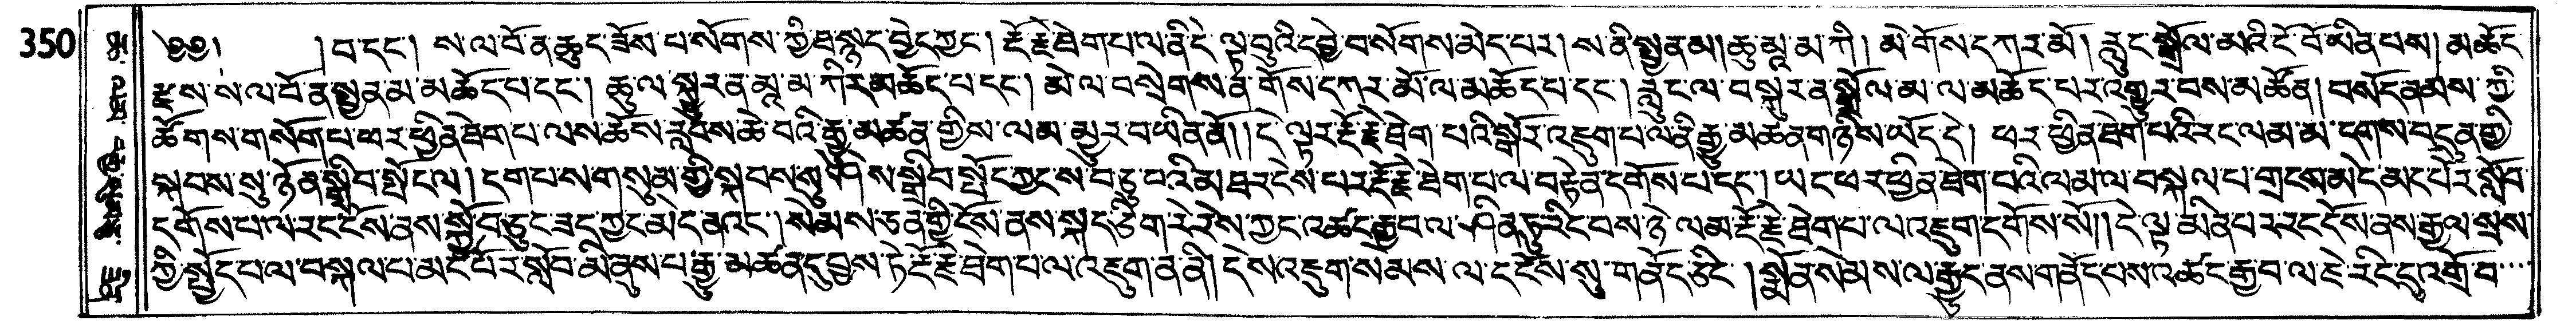༄༅། །བ་དང་། སལ་བོ་ན་ཆུད་ཟོས་པ་སོགས་ཀྱི་ཐ་སྙད་བྱེད་ཀྱང་། རྡོ་རྗེ་ཐེག་པ་ལ་ནི་དེ་ལྟ་བུའི་དབྱེ་བ་སོགས་མེད་པར། ས་ནི་སྤྱན་མ། ཆུ་མཱ་མ་ཀི། མེ་གོས་དཀར་མོ། རླུང་སྒྲོལ་མའི་ངོ་བོ་ཡིན་པས། མཆོད་
རྫས་ས་ལ་བོ་ན་སྤྱན་མ་མཆོད་པ་དང་། ཆུ་ལ་སྐྱུར་ན་མཱ་མ་ཀིར་མཆོད་པ་དང་། མེ་ལ་བསྲེགས་ན་གོས་དཀར་མོ་ལ་མཆོད་པ་དང་། རླུང་ལ་བསྐུར་ན་སྒྲོལ་མ་ལ་མཆོད་པར་འགྱུར་བས་མཚོན། བསོད་ནམས་ཀྱི་
ཚོགས་གསོག་པ་ཕར་ཕྱིན་ཐེག་པ་ལས་ཆོས་རླབས་ཆེ་བའི་རྒྱུ་མཚན་གྱིས་ལམ་མྱུར་བ་ཡིན་ནོ། །དེ་ལྟར་རྡོ་རྗེ་ཐེག་པའི་སྒོར་འཇུག་པ་ལ་ནི་རྒྱུ་མཚན་གཉིས་ཡོད་དེ། ཕར་ཕྱིན་ཐེག་པའི་རང་ལམ་མ་དགས་བདུན་གྱི་
སྐབས་སུ་ཉོན་སྒྲིབ་སྤོང་ལ། དག་པ་ས་གསུམ་གྱི་སྐབས་སུ་ཤེས་སྒྲིབ་སྤོང་ཀྱང་ས་བཅུ་བའི་མཐར་ངེས་པར་རྡོ་རྗེ་ཐེག་པ་ལ་བརྟེན་དགོས་པ་དང་། ཡང་ཕར་ཕྱིན་ཐེག་པའི་ལམ་ལ་བསྐལ་པ་གྲངས་མེད་མང་པོར་སློབ་
དགོས་པ་ལ་རང་ངོས་ནས་སྐྱོ་བ་ཅུང་ཟད་ཀྱང་མེད་ནའང་། སེམས་ཅན་གྱི་ངོས་ནས་སྐད་ཅིག་རེ་རེས་ཀྱང་འཚང་རྒྱ་བ་ལ་ཤིན་ཏུ་རིང་བས་ཉེ་ལམ་རྡོ་རྗེ་ཐེག་པ་ལ་འཇུག་དགོས་སོ། །དེ་ལྟ་མིན་པར་རང་ངོས་ནས་རྒྱལ་སྲས་
ཀྱི་སྤྱོད་པ་ལ་བསྐལ་པ་མང་པོར་སློབ་མི་ནུས་པ་རྒྱུ་མཚན་དུ་བྱས་ཏེ་རྡོ་རྗེ་ཐེག་པ་ལ་འཇུག་ན་ནི། དེས་འཇུག་སེམས་ལ་དངོས་སུ་གནོད་ཅིང་། སྨོན་སེམས་ལ་རྒྱུད་ནས་གནོད་པས་འཚང་རྒྱ་བ་ལ་ཇེ་རིང་དུ་འགྲོ་བ་